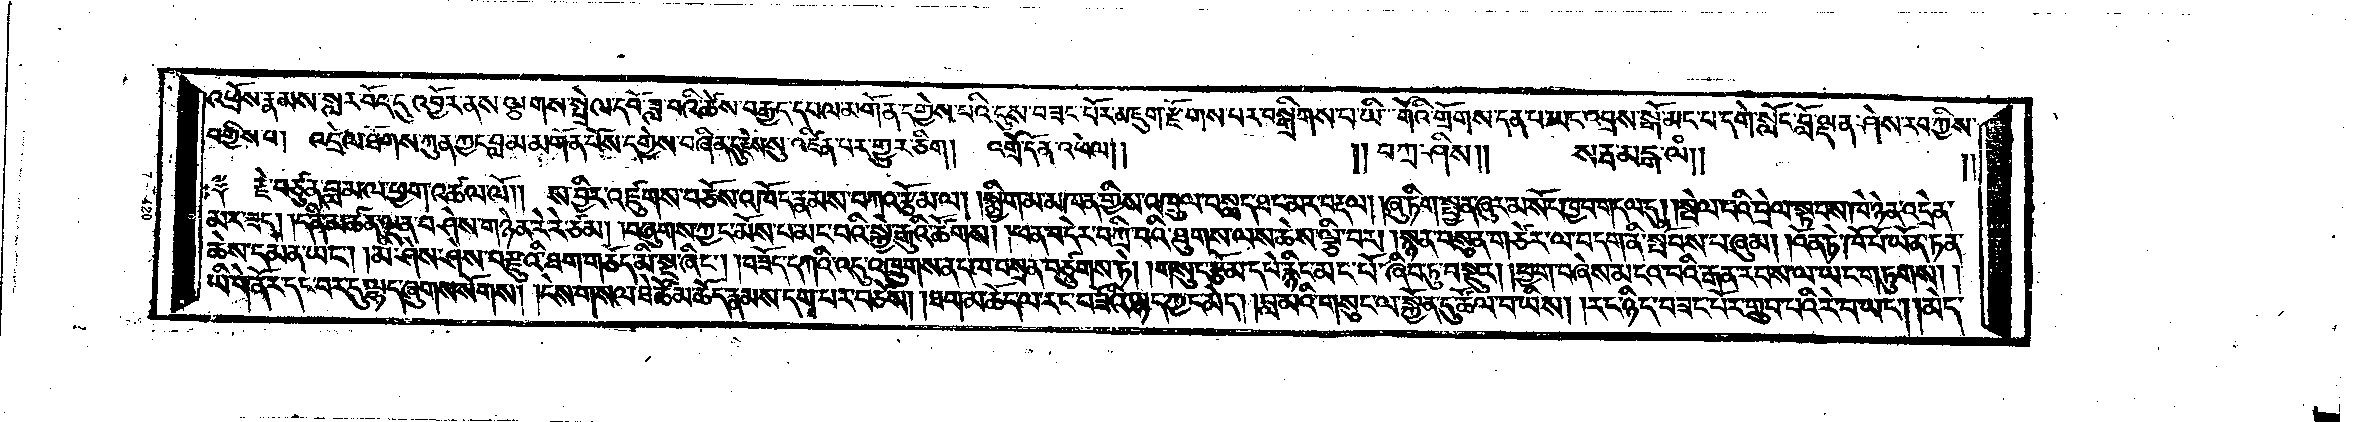འཕྲོས་རྣམས་སླར་བོད་དུ་འབྱོར་ནས་ལྕགས་སྤྲེལ་དབོ་ཟླ་བའི་ཚེས་བརྒྱད་དཔལ་མགོན་དགྱེས་པའི་དུས་བཟང་པོར་མཇུག་རྫོགས་པར་བསྒྲིགས་པ་ཡི་གེའི་གྲོགས་དན་པ་ཡང་འབྲས་སྒོ་མང་པ་དགེ་སློང་བློ་ལྡན་ཤེས་རབ་ཀྱིས་
བགྱིས་པ། འབྲེལ་ཐོགས་ཀུན་ཀྱང་བླ་མ་མགོན་པོས་དགྱེས་བཞིན་དུ་ཡི་གེ་པ་ཡང་སོག་ཤོད་པ་དར་མ་ཆོས་མཛད་བསྟན་པ་ཆོས་སརྦ་མངྒ་ལཾ།། །།
༈ རྗེ་བཙུན་བླ་མ་ལ་ཕྱག་འཚལ་ལོ།། ས་བྱིར་འཛུགས་བཅོས་འཁོད་རྣམས་བཀའ་རྩོམ་ལ། །སྨྱིག་མ་མཁན་གྱིས་འཁྲུལ་བསླད་ཐང་མར་བརྡལ། །ཞུ་ཏིག་སྤྱན་ཞུར་མ་སོང་ཁྱབ་གདལ་དུ། །སྤེལ་བའི་བྲེལ་སྟབས་ཁེ་ཉེན་འདྲེན་
མར་ཟད། །ད་ནི་མཚན་ལྡན་བཤེས་གཉེན་རེ་རེ་ཙམ། །བཞུགས་ཀྱང་མོས་པ་མང་བའི་སྐྱེ་རྒུའི་ཚོགས། །ཕན་བདེར་བཀྲི་བའི་ཐུགས་ལས་ཆེས་ལྕི་བར། །སྙན་བསུན་གཙེར་ལ་བདག་ནི་སྤོབས་པ་ཞུམ། །འོན་ཏེ་ཁོ་བོ་ཡོན་ཏན་
ཆེས་དམན་ཡང་། །མི་ཤེས་ཤེས་བརྫུའི་ཐག་གཅོད་མི་སྔ་ཞིང་། །བཟོད་དཀའི་འདུ་འཁྲུགས་ནད་ལ་བསྲན་བཙུགས་ཏེ། །གསུང་རྩོམ་དཔེ་རྙིང་མང་པོ་ཞིབ་ཏུ་བསྡུར། །ཕྱག་བཞེས་མངའ་བའི་རྒན་རབས་ལ་ཡང་གཏུགས། །
ཡི་གེ་ནོར་དང་བར་དུ་ལྷད་ཞུགས་སོགས། །ངེས་གསལ་ཐེ་ཚོམ་ཆོད་རྣམས་དག་པར་བཅོས། །ཐག་མཆོད་ལ་རང་བཟོའི་ལྷད་ཀྱང་མེད། །བླ་མའི་གསུང་ལ་སྐྱོན་དུ་ཚོལ་བ་ཡིས། །རང་ཉིད་བཟང་པོར་གྲུབ་པའི་རེ་བ་ཡང་། །མེད་